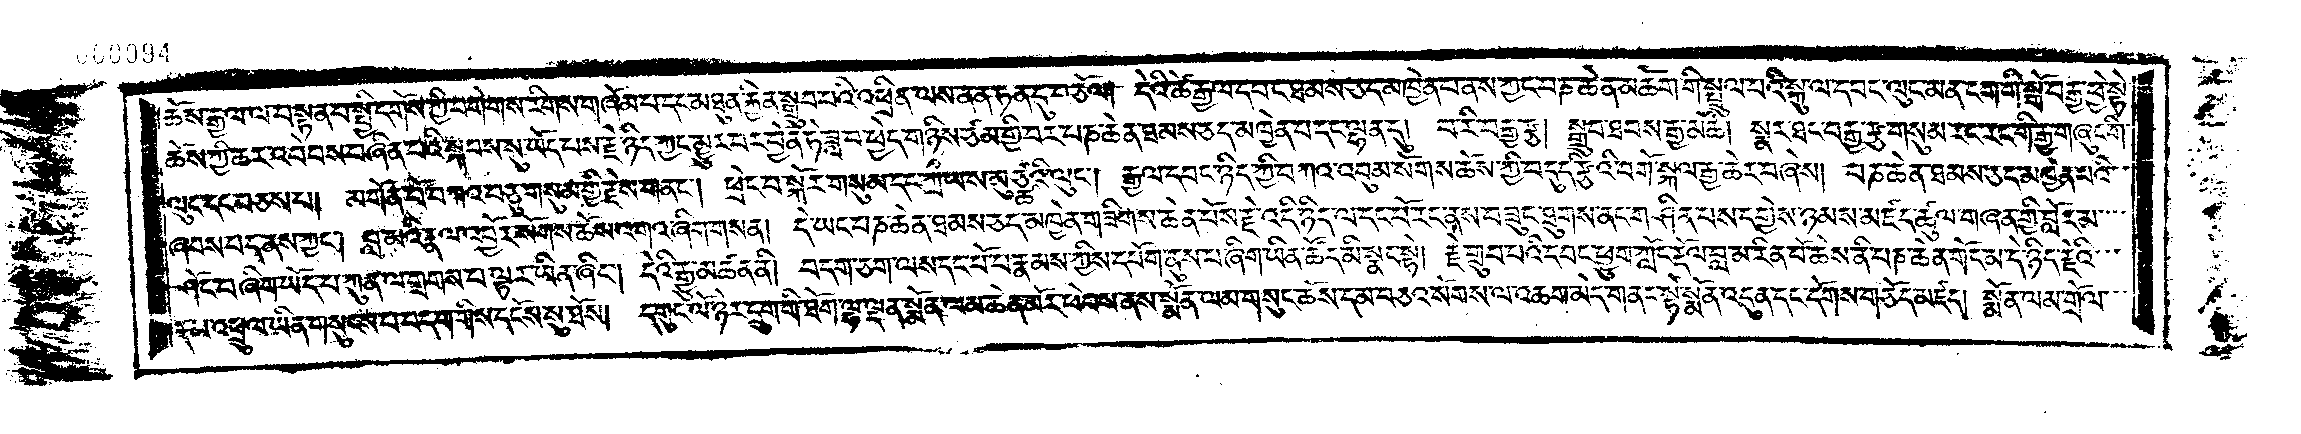ཆོས་རྒྱལ་ལ་བསྟན་པ་སྤྱི་དགོས་ཀྱི་བགེགས་རིགས་གཞོམ་པ་དང་མཐུན་རྐྱིན་སྒྲུབ་པའི་འཕྲིན་ལས་ནན་ཏན་དུ་བཅོལ། དེའི་ཚེ་རྒྱལ་དབང་ཐམས་ཅད་མཁྱེན་པ་ནས་ཀྱང་པཎ་ཆེན་མཆོག་གི་སྤྲུལ་པའི་སྐུ་ལ་དབང་ལུང་མན་ངག་གི་སྒོ་བརྒྱ་ཕྱེ་སྟེ་
ཆོས་ཀྱི་ཆར་འབེབས་བཞིན་པའི་སྐབས་སུ་ཡོད་པས་རྗེ་ཉིད་ཀྱང་མྱུར་བར་བྱོན་ཏེ་ཟླ་བ་ཕྱེད་གཉིས་ཙམ་གྱི་བར་པཎ་ཆེན་ཐམས་ཅད་མཁྱེན་པ་དང་ལྷན་དུ། བ་རི་བརྒྱ་རྩ། སྒྲུབ་ཐབས་རྒྱ་མཚོ། སྣར་ཐང་བརྒྱ་རྩ་གསུམ་རང་རང་གི་རྒྱ་གཞུང་གི་
ལུང་དང་བཅས་པ། མགོན་པོ་བཀའ་བཅུ་གསུམ་གྱི་རྗེས་གནང་། ཕྲེང་བ་སྐོར་གསུམ་དང་ཀྲྀ་ཡ་ས་མུཙྪའི་ལུང་། རྒྱལ་དབང་ཉིད་ཀྱི་བཀའ་འབུམ་སོགས་ཆོས་ཀྱི་བདུད་རྩིའི་བགོ་སྐལ་རྒྱ་ཆེར་བཞེས། པཎ་ཆེན་ཐམས་ཅད་མཁྱེན་པའི་
ཞབས་པད་ནས་ཀྱང་། བླ་མའི་རྣལ་འབྱོར་སོགས་ཆོས་འགའ་ཞིག་གསན། དེ་ཡང་པཎ་ཆེན་ཐམས་ཅད་མཁྱེན་གཟིགས་ཆེན་པོས་རྗེ་འདི་ཉིད་ལ་དང་པོ་རང་ནས་བཟུང་ཐུགས་ནང་གཤིན་པས་དགྱེས་ཉམས་མཛད་ཚུལ་གཞན་གྱི་བློར་མ་
ཤོང་བ་ཞིག་ཡོད་པ་ཀུན་ལ་གྲགས་པ་ལྟར་ཡིན་ཞིང་། དེའི་རྒྱུ་མཚན་ནི། བདག་ཅག་ལས་དང་པོ་པ་རྣམས་ཀྱིས་དཔོག་ནུས་པ་ཞིག་ཡིན་ཚོད་མི་སྣང་སྟེ། རྗེ་གྲུབ་པའི་དབང་ཕྱུག་ཀློང་རྡོལ་བླ་མ་རིན་པོ་ཆེས་ནི་པཎ་ཆེན་གོང་མ་དེ་ཉིད་རྗེའི་
རྣམ་འཕྲུལ་ཡིན་གསུངས་པ་བདག་གིས་དངོས་སུ་ཐོས། དགུང་ལོ་ཉེར་དྲུག་གི་ཐོག་ལྷ་ལྡན་སྨོན་ལམ་ཆེན་མོར་ཕེབས་ནས་སྨོན་ལམ་གསུང་ཆོས་དམ་བཅའ་སོགས་ལ་འཆག་མེད་གནང་སྟེ་སྨོན་འདུན་དང་དོགས་གཅོད་མཛད། སྨོན་ལམ་གྲོལ་